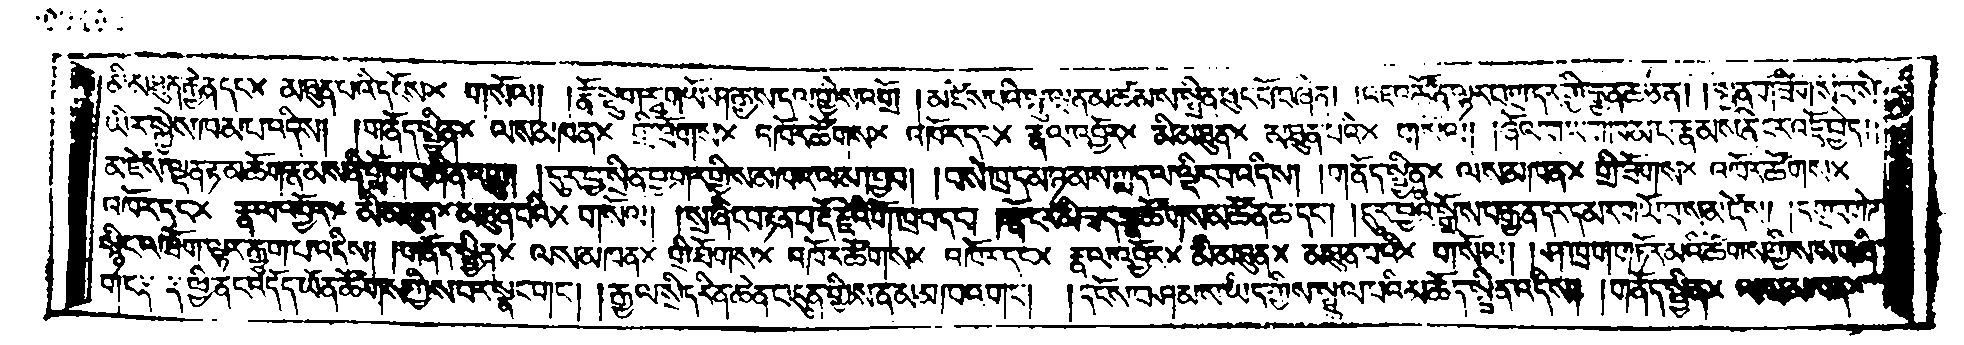མི་མཐུན་རྐྱེན་དང྾་མཐུན་པའི་དངོས྾་གསོལ། །རྣོ་སྡུག་རྭ་གཡོ་ཤ་རྒྱས་དལ་གྱིས་འགྲོ་།མཛེས་པའི་སྤུ་ལྡན་མཚམས་སྤྲིན་ཕུང་པོ་བཞིན། །འཇའ་ཚོན་ལྟར་བཀྲ་དར་གྱི་རྒྱན་ཆ་ཅན། །སྤྱན་གཟིགས་བསེ་
ཡི་ར་སྐྱེས་ཁམ་པ་འདིས། །གནོད་སྦྱིན྾་ལས་མཁན྾་གྲི་ཐོགས྾་འཁོར་ཚོགས྾་འཁོར་དང྾་རྣལ་འབྱོར྾་མི་མཐུན྾་མཐུན་པའི྾་གསོལ། །ཞོལ་གཡག་ཁམ་པ་རྣམས་ནི་ངར་འཇོ་བྱེད། །
མཛེས་ལྡན་རྟ་མཆོག་རྣམས་ནི་གློག་བཞིན་འགྱུ། །དུར་བྱ་སྲིན་བྱ་གར་གྱིས་མཁའ་ལམ་ཁྱབ། །བསེ་ཁྲ་དམ་ཉམས་ཀླད་ལ་ལྡིང་བ་འདིས། །གནོད་སྦྱིན྾་ལས་མཁན྾་གྲི་ཐོགས྾་འཁོར་ཚོགས྾་
འཁོར་དང྾་རྣལ་འབྱོར྾་མི་མཐུན྾་མཐུན་པའི྾་གསོལ། །སྲ་ཞིང་བརྟན་པ་རྡོ་རྗེའི་གོ་ཁྲབ་དང་། །རྣོ་ངར་མི་ཟད་སྣ་ཚོགས་མཚོན་ཆ་དང་། །དུར་བྱའི་སྒྲོས་བརྒྱན་དར་དམར་གཡོ་བས་མཛེས། །དགྲ་བགེགས་
སྙིང་ལ་ཐོག་ལྟར་རྒྱུག་པ་འདིས། །གནོད་སྦྱིན྾་ལས་མཁན྾་གྲི་ཐོགས྾་འཁོར་ཚོགས྾་འཁོར་དང྾་རྣལ་འབྱོར྾་མི་མཐུན྾་མཐུན་པའི྾་གསོལ། །ཤ་ཁྲག་གཏོར་མའི་ཚོགས་ཀྱིས་ས་གཞི་
གང༑ ༑ཕྱི་ནང་འདོད་ཡོན་ཚོགས་ཀྱིས་བར་སྣང་གང་། །རྒྱལ་སྲིད་རིན་ཆེན་བདུན་གྱིས་ནམ་མཁའ་གང་། །དངོས་བཤམས་ཡིད་ཀྱིས་སྤྲུལ་པའི་མཆོད་སྤྲིན་འདིས། །གནོད་སྦྱིན྾་ལས་མཁན྾་